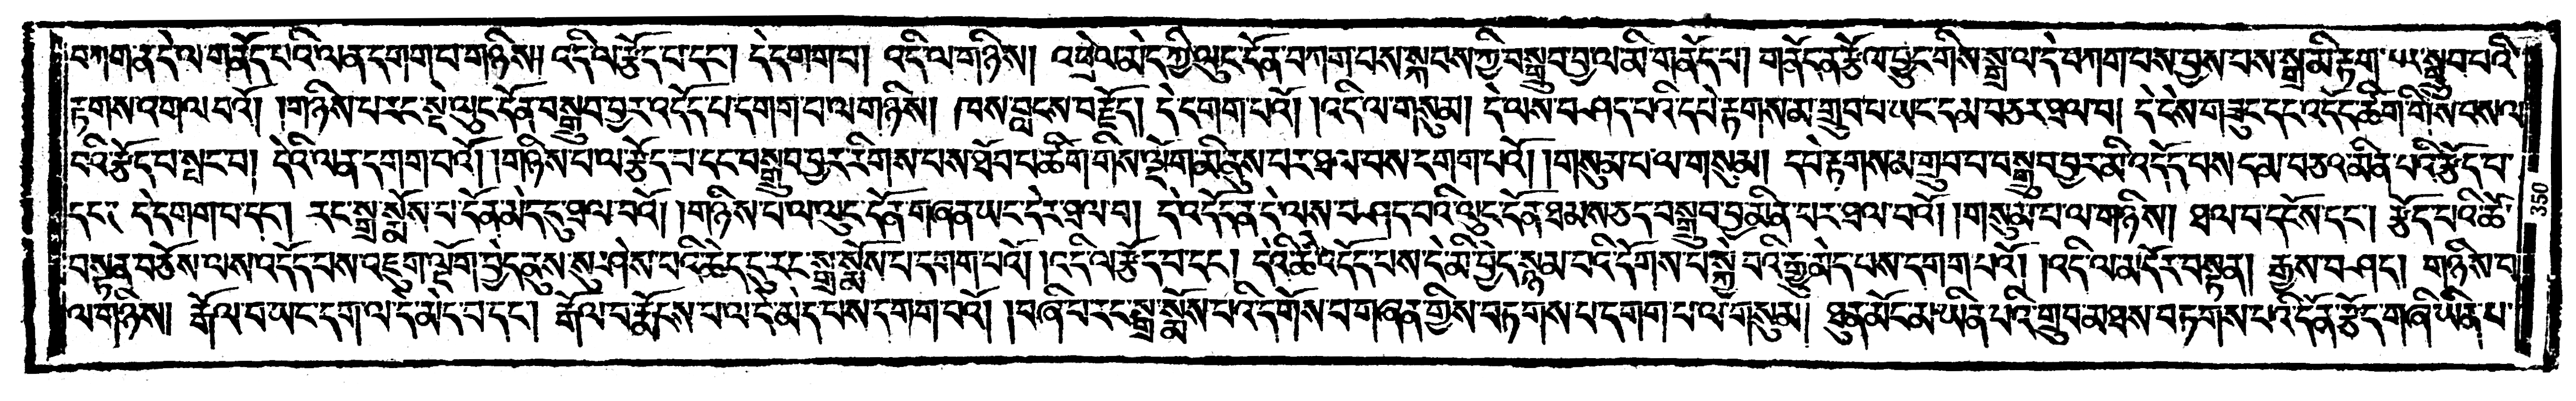བཀག་ན་དེ་ལ་གནོད་པའི་ལན་དགག་པ་གཉིས། འདི་ལ་རྩོད་པ་དང་། དེ་དགག་པ། འདི་ལ་གཉིས། འཕྲེལ་མེད་ཀྱི་ལུང་དོན་བཀག་པས་སྐབས་ཀྱི་བསྒྲུབ་བྱ་ལ་མི་གནོད་པ། གནོད་ན་རྩོལ་བྱུང་གིས་སྒྲ་ལ་དེ་བཀག་པས་བྱས་པས་སྒྲ་མི་རྟག་པར་སྒྲུབ་པའི་
རྟགས་འགལ་བའོ། །གཉིས་པ་རང་སྡེ་ལུང་དོན་བསྒྲུབ་བྱར་འདོད་པ་དགག་པ་ལ་གཉིས། ཁས་བླངས་བརྗོད། དེ་དགག་པའོ། །འདི་ལ་གསུམ། དེ་ལས་བཤད་པའི་དཔེ་རྟགས་མ་གྲུབ་པ་ཡང་དམ་བཅར་ཐལ་བ། དེ་ངེས་གཟུང་དང་འདོད་ཚིག་གིས་བསལ་
བའི་རྩོད་པ་སྤང་བ། དེའི་ལན་དགག་པའོ། །གཉིས་པ་ལ་རྩོད་པ་དང་བསྒྲུབ་བྱར་རིགས་པས་ཐོབ་པ་ཚིག་གིས་ལྡོག་མི་ནུས་པར་ཐལ་བས་དགག་པའོ། །གསུམ་པ་ལ་གསུམ། དཔེ་རྟགས་མ་གྲུབ་པ་བསྒྲུབ་བྱར་མི་འདོད་པས་དམ་བཅའ་མིན་པའི་རྩོད་པ་
དང་། དེ་དགག་པ་དང་། རང་སྒྲ་སྨོས་པ་དོན་མེད་དུ་ཐལ་བའོ། །གཉིས་པ་ལ་ལུང་དོན་གཞན་ཡང་དེར་ཐལ་བ། དེ་འདོད་ན་དེ་ལས་བཤད་པའི་ལུང་དོན་ཐམས་ཅད་བསྒྲུབ་བྱ་མིན་པར་ཐལ་བའོ། །གསུམ་པ་ལ་གཉིས། ཐལ་བ་དངོས་དང་། རྩོད་པའི་ཚེ་
བསྟན་བཅོས་ལས་འདོད་པས་འཇུག་ལྡོག་བྱེད་ནུས་སུ་ཤེས་པའི་ཆེད་དུ་རང་སྒྲ་སྨོས་པ་དགག་པའོ། །འདི་ལ་རྩོད་པ་དང་། དེའི་ཚེ་འདོད་པས་དེ་མི་བྱེད་སྙམ་པའི་དོགས་པ་སྐྱེ་བའི་རྒྱུ་མེད་པས་དགག་པའོ། །འདི་ལ་མདོར་བསྟན། རྒྱས་བཤད། གཉིས་པ་
ལ་གཉིས། རྒོལ་བ་ཡང་དག་ལ་དེ་མེད་པ་དང་། རྒོལ་བ་རྨོངས་པ་ལ་དེ་མེད་པས་དགག་པའོ། །བཞི་པ་རང་སྒྲ་སྨོས་པའི་དགོས་པ་གཞན་གྱིས་བཏགས་པ་དགག་པ་ལ་གསུམ། ཐུན་མོང་མ་ཡིན་པའི་གྲུབ་མཐས་བཏགས་པའི་དོན་རྩོད་གཞི་ཡིན་པ་